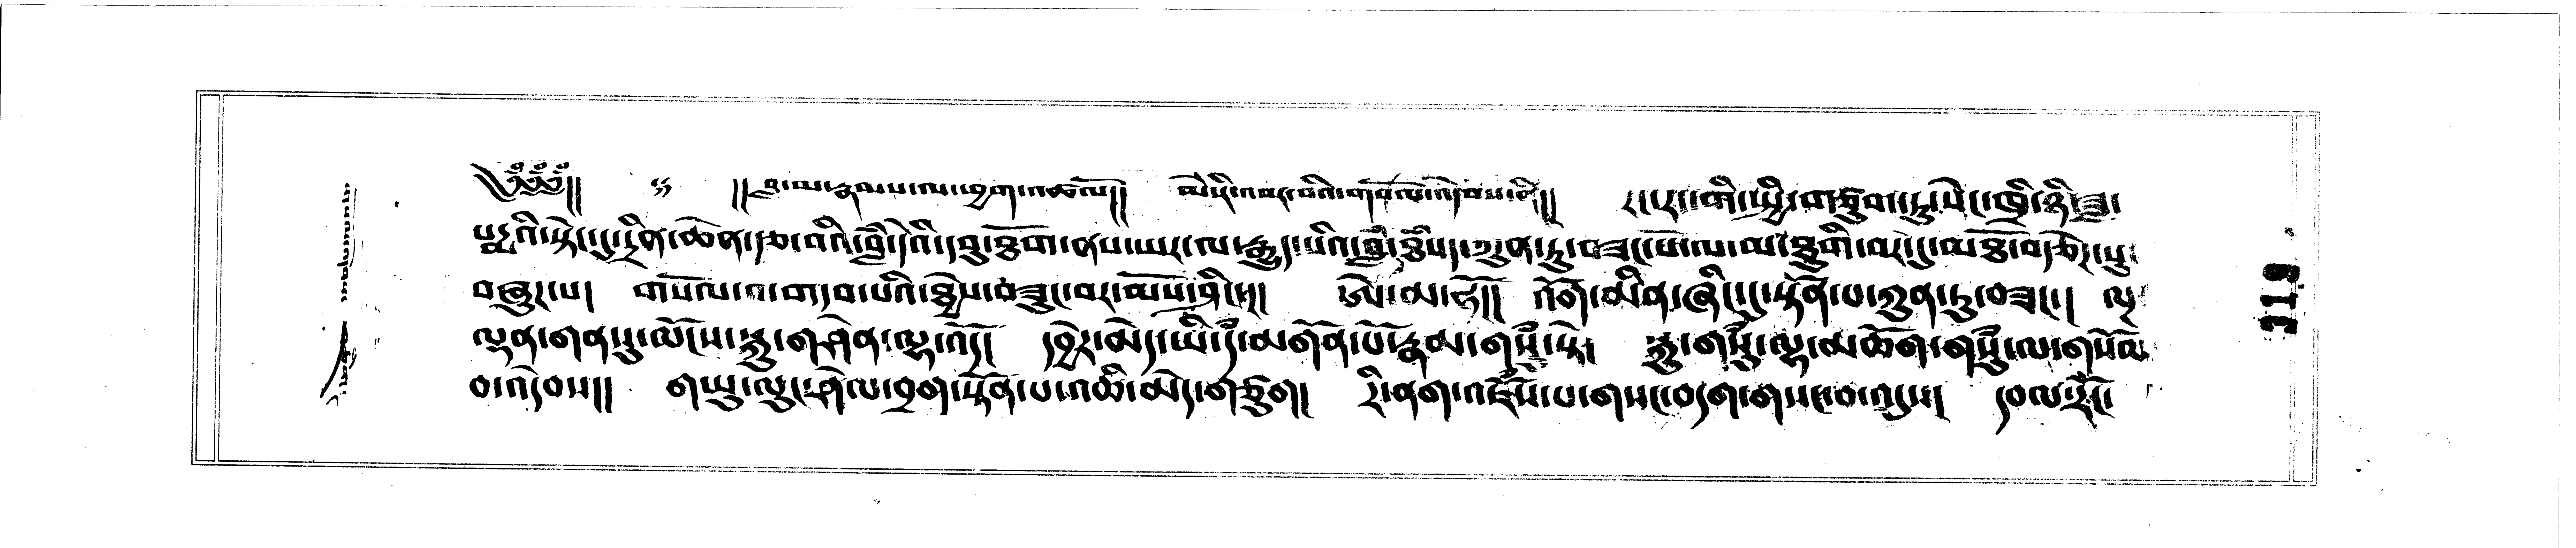བླ་མ་རྣམས་ལ་ཕྱག་འཚལ་ལོ།། མེ་རི་འབར་བའི་གསོལ་འདེབས་ནི།། རང་རང་གི་སྤྱི་གཙུག་ཏུ་སེང་ཁྲི་ཉི་ཟླ་
པདྨའི་སྟེང་དུ་དྲིན་ཆེན་རྩ་བའི་བླ་མ། དེའི་དབུ་ཐོག་ནས་ཡར་ལ་བརྒྱུད་པའི་བླ་མ་ཐམས་ཅད་ཀུན་ཏུ་བཟང་པོ་ལ་མ་ཐུག་གི་བར་དུ་མཐོ་བརྩེགས་སུ་
བཞུགས་པ། གསོལ་གདབ་པའི་གདབ་པའི་ཐུགས་རྗེས་བཟུང་བར་མོས་ཤིང་།། ཨེ་མ་ཧོ།། འོག་མིན་ཞིང་དུ་སྟོན་པ་ཀུན་ཏུ་བཟང་། ལྔ་
ལྡན་གནས་སུ་ལོངས་སྐུ་གཤེན་ལྷ་འོད། དབྱེར་མེད་ཡི་དམ་མགོན་པོ་རྣམ་གསུམ་སྟེ། སྐུ་གསུམ་ལྷ་མཆོག་གསུམ་ལ་གསོལ་
བ་འདེབས།། གཡུ་ལུང་ཤེལ་བྲག་སྟོན་པ་འཆི་མེད་གཙུག། རི་ནག་འཇོམས་པ་གསང་བདག་གསང་བ་འདུས། དབལ་རོང་